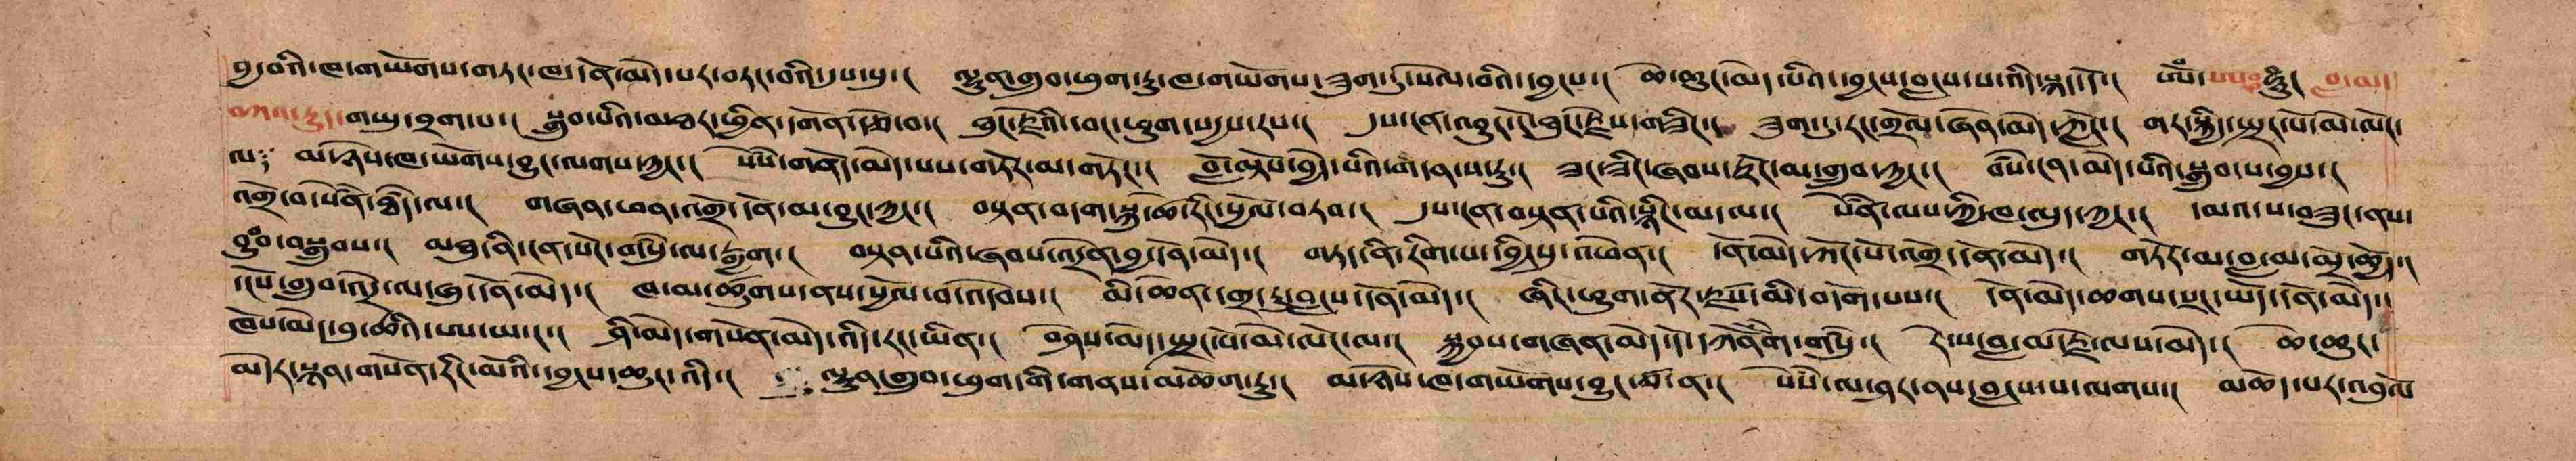བྱ་བའི་ཁ་གཡོགས་གཏང་ཁ་དོན་མེད་པར་བཏང་བའི་དུས་སུ། ལྷུན་གྲུབ་ཕུག་ཏུ་ཁ་གཡོགས་ཟུག་ངུ་སེལ་བའི་དབྱངས། ཆེ་ཆུང་མེད་པའི་དབྱངས་བླངས་པ་འདི་སྐད་དོ། ཨོཾ་ཨཿཧཱུཾ། བླ་མ་
བཀའ་དྱུད་གཡུ་བྲག་པ། སྒྲུབ་པའི་མཐར་ཕྱིན་དགོན་རྩེ་བ། ཐུགས་རྗེའི་དབང་ཕྱུག་སངས་རྒྱས་རས། དུས་ངན་འབྱུང་ངོ་ཐུགས་རྗེས་གཟིགས། ཟུག་ངུ་རང་གྲོལ་ཞེན་མེད་ཀློང་། གར་སྐྱིད་སྤྲང་པོ་མེ་ལོང་
ལ༑ མ་ཉེས་ཁ་ཡོགས་བྱུང་ལགས་ཀྱང་། སེམས་གནོད་མེད་པས་གཏོར་མ་གཏོང་། བློ་ལྟོས་བྱེད་པའི་གདན་ས་རུ། ཟང་ཟིང་ཞབས་རྟོགས་མ་གྲུབ་ཀྱང་། བསམ་ངན་མེད་པའི་སྒྲུབ་པ་བྱས། 
འགྲོ་བ་སེམས་ཅན་ཐམས་ཅད་ལ། གཞན་ཕན་འགྲོ་དོན་མ་བྱུང་ཀྱང་། བསྟན་བདག་སྐུ་ཚེ་རིང་གསོལ་བཏབ། དུས་ངན་བསྟན་པའི་སྙིང་མ་ལ། སེམས་ཅན་ལས་ཀྱི་ཁ་ལུད་ཀྱང་། དམའ་ས་བཟུང་ནས་
བྱང་ཆུབ་བསྒྲུབས། མཐུ་ནི་ངན་སོང་གསུམ་ལ་རྒྱག། བསྟན་པའི་ཞབས་འདྲེན་བྱ་དོན་མེད། གཏད་ནི་རིག་པ་དབྱིངས་སུ་འཕེན། དོན་མེད་ཀོང་པོ་འགྲོ་དོན་མེད། གཏོར་མ་བླ་མ་མཁའ་འགྲོ་ཚོད། 
དངོས་གྲུབ་འདྲེ་ལ་ཞུ་དོན་མེད། ཁ་ལ་ཚུགས་ནས་གསོལ་བ་འདེབས། མི་ཆེན་དགྲ་རུ་བླངས་དོན་མེད། ཞིང་ཕྱུག་ནོར་རྫས་མི་བདོག་པས། དོན་མེད་ཆགས་སྡང་ཡོད་དོན་མེད། 
ཁོས་མེད་བུ་ཚའི་ཨ་ཡ་ང་། ཤི་མེད་གསོན་མེད་འདི་རང་ཡིན། བཤེས་མེད་སྤྲང་པོ་མེད་ལོང་ལ། སྐྱབས་གཞན་མེད་དོ་དཀོན་མཆོག་གསུམ། རེ་ས་བླ་མ་རྗེ་ལས་མེད། ཆེ་ཆུང་
མེད་པར་སྙན་གསོན་རིང་མོའི་དབྱངས་ཆུང་འདི། ལྷུན་གྲུབ་ཕུག་གི་གནས་མཆོག་ཏུ། མ་ཉེས་ཁ་གཡོགས་བྱུང་ཙ་ན། སེམས་ལ་ཤར་ནས་བླངས་པ་ལགས། མཆོད་པར་འབུལ་ལོ་